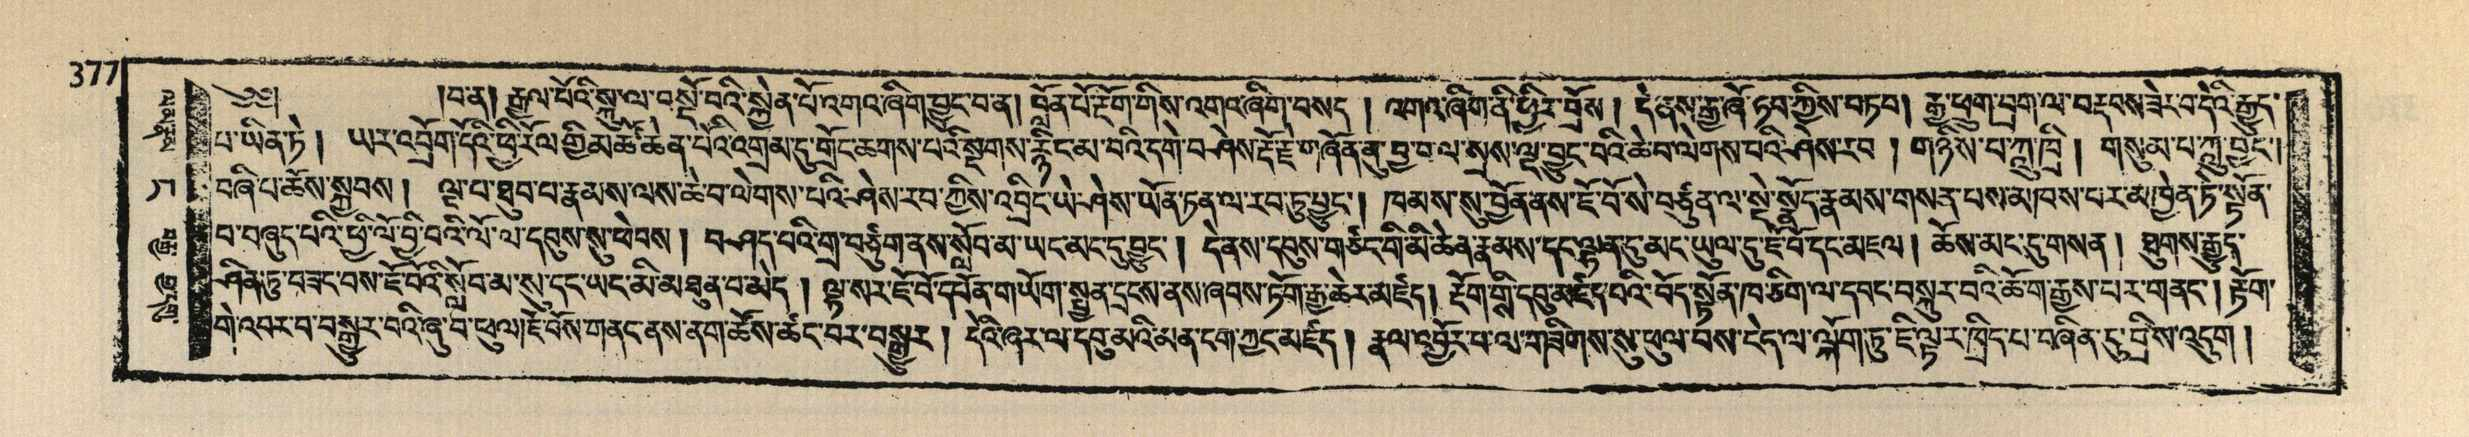༄༅། །བ་ན། རྒྱལ་པོའི་སྐུ་ལ་བསྔོ་བའི་སྐྱེན་པོ་འགའ་ཞིག་བྱུང་བ་ན། བློན་པོ་རྔོག་གིས་འགའ་ཞིག་བསད། འགའ་ཞིག་ནི་ཕྱིར་བྲོས། དེ་ནས་རྒྱ་ཞོ་ཧབ་ཀྱིས་བཏབ། རྒྱ་ཕྲུག་བྲག་ལ་བརྡབས་ཟེར་བ་དེའི་རྒྱུད་
པ་ཡིན་ཏེ། ཡར་འབྲོག་དོའི་ཕྱི་རོལ་གྱི་མཚོ་ཆེན་པོའི་འགྲམ་དུ་གྲོང་ཆགས་པའི་སྔགས་རྙིང་མ་བའི་དགེ་བཤེས་རྡོ་རྗེ་གཞོན་ནུ་བྱ་བ་ལ་སྲས་ལྔ་བྱུང་བའི་ཆེ་བ་ལེགས་པའི་ཤེས་རབ། གཉིས་པ་ཀླུ་ཁྲི། གསུམ་པ་ཀླུ་བྱང་།
བཞི་པ་ཆོས་སྐྱབས། ལྔ་པ་ཐུབ་པ་རྣམས་ལས་ཆེ་བ་ལེགས་པའི་ཤེས་རབ་ཀྱིས་འབྲིང་ཡེ་ཤེས་ཡོན་ཏན་ལ་རབ་ཏུ་བྱུང་། ཁམས་སུ་བྱོན་ནས་ཇོ་བོ་སེ་བཙུན་ལ་སྡེ་སྣོད་རྣམས་གསན་པས་མཁས་པར་མཁྱེན་ཏེ་སྟོན་
བ་བཞུད་པའི་ཕྱི་ལོ་བྱི་བའི་ལོ་ལ་དབུས་སུ་ཕེབས། བཤད་པའི་གྲ་བཙུག་ནས་སློབ་མ་ཡང་མང་དུ་བྱུང་། དེ་ནས་དབུས་གཙང་གི་མི་ཆེན་རྣམས་དང་ལྷན་དུ་མང་ཡུལ་དུ་ཇོ་བོ་དང་མཇལ། ཆོས་མང་དུ་གསན། ཐུགས་རྒྱུད་
ཤིན་ཏུ་བཟང་བས་ཇོ་བོའི་སློབ་མ་སུ་དང་ཡང་མི་མཐུན་བ་མེད། ལྷ་སར་ཇོ་བོ་དཔོན་གཡོག་སྤྱན་དྲངས་ནས་ཞབས་ཏོག་རྒྱ་ཆེར་མཛད། རྔོག་གིས་དབུ་མཛད་བའི་བོད་སྟོན་ཁ་ཅིག་ལ་དབང་བསྐུར་བའི་ཆོ་ག་རྒྱས་པར་གནང་། རྟོག་
གེ་འབར་བ་བསྒྱུར་བའི་ཞུ་བ་ཕུལ། ཇོ་བོས་གནང་ནས་ནག་ཚོས་ཚང་བར་བསྒྱུར། དེའི་ཞར་ལ་དབུ་མའི་མན་ངག་ཀྱང་མཛད། རྣལ་འབྱོར་བ་ལ་གཟིགས་སུ་ཕུལ་བས་ངེད་ལ་ལྐོག་ཏུ་ཇི་ལྟར་ཁྲིད་པ་བཞིན་དུ་བྲིས་འདུག།